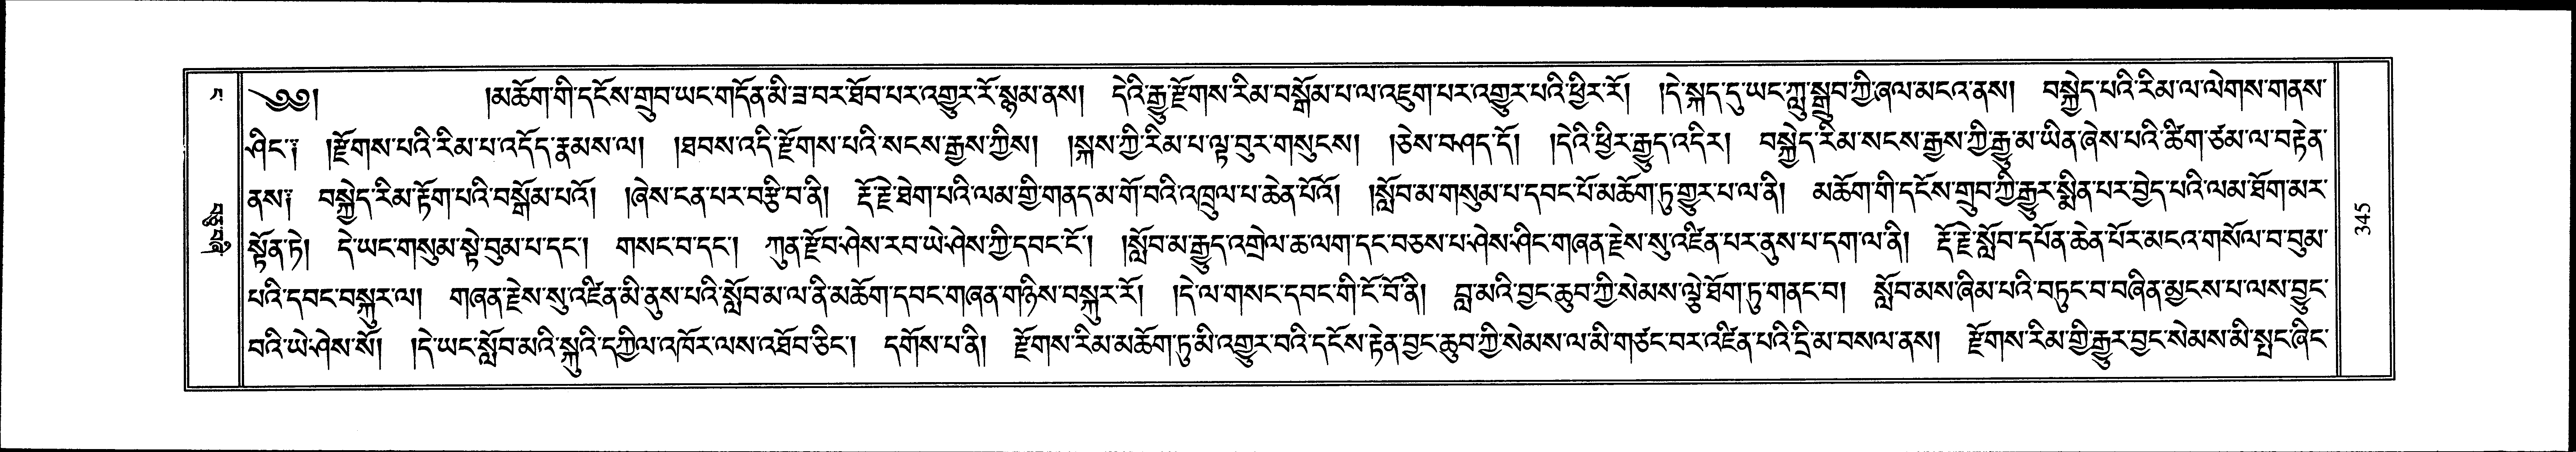༄༅། །མཆོག་གི་དངོས་གྲུབ་ཡང་གདོན་མི་ཟ་བར་ཐོབ་པར་འགྱུར་རོ་སྙམ་ནས། དེའི་རྒྱུ་རྫོགས་རིམ་བསྒོམ་པ་ལ་འཇུག་པར་འགྱུར་བའི་ཕྱིར་རོ། །དེ་སྐད་དུ་ཡང་ཀླུ་སྒྲུབ་ཀྱི་ཞལ་མངའ་ནས། བསྐྱེད་པའི་རིམ་ལ་ལེགས་གནས་
ཤིང་། །རྫོགས་པའི་རིམ་པ་འདོད་རྣམས་ལ། །ཐབས་འདི་རྫོགས་པའི་སངས་རྒྱས་ཀྱིས། །སྐས་ཀྱི་རིམ་པ་ལྟ་བུར་གསུངས། །ཅེས་བཤད་དོ། །དེའི་ཕྱིར་རྒྱུད་འདིར། བསྐྱེད་རིམ་སངས་རྒྱས་ཀྱི་རྒྱུ་མ་ཡིན་ཞེས་པའི་ཚིག་ཙམ་ལ་བརྟེན་
ནས། བསྐྱེད་རིམ་རྟོག་པའི་བསྒོམ་པའོ། །ཞེས་ངན་པར་བརྩི་བ་ནི། རྡོ་རྗེ་ཐེག་པའི་ལམ་གྱི་གནད་མ་གོ་བའི་འཁྲུལ་པ་ཆེན་པོའོ། །སློབ་མ་གསུམ་པ་དབང་པོ་མཆོག་ཏུ་གྱུར་པ་ལ་ནི། མཆོག་གི་དངོས་གྲུབ་ཀྱི་རྒྱུར་སྨིན་པར་བྱེད་པའི་ལམ་ཐོག་མར་
སྟོན་ཏེ། དེ་ཡང་གསུམ་སྟེ་བུམ་པ་དང་། གསང་བ་དང་། ཀུན་རྫོབ་ཤེས་རབ་ཡེ་ཤེས་ཀྱི་དབང་ངོ། །སློབ་མ་རྒྱུད་འགྲེལ་ཆ་ལག་དང་བཅས་པ་ཤེས་ཤིང་གཞན་རྗེས་སུ་འཛིན་པར་ནུས་པ་དག་ལ་ནི། རྡོ་རྗེ་སློབ་དཔོན་ཆེན་པོར་མངའ་གསོལ་བ་བུམ་
པའི་དབང་བསྐུར་ལ། གཞན་རྗེས་སུ་འཛིན་མི་ནུས་པའི་སློབ་མ་ལ་ནི་མཆོག་དབང་གཞན་གཉིས་བསྐུར་རོ། །དེ་ལ་གསང་དབང་གི་ངོ་བོ་ནི། བླ་མའི་བྱང་ཆུབ་ཀྱི་སེམས་ལྕེ་ཐོག་ཏུ་གནང་བ། སློབ་མས་ཞིམ་པའི་བཏུང་བ་བཞིན་མྱངས་པ་ལས་བྱུང་
བའི་ཡེ་ཤེས་སོ། །དེ་ཡང་སློབ་མའི་སྐུའི་དཀྱིལ་འཁོར་ལས་འཐོབ་ཅིང་། དགོས་པ་ནི། རྫོགས་རིམ་མཆོག་ཏུ་མི་འགྱུར་བའི་དངོས་རྟེན་བྱང་ཆུབ་ཀྱི་སེམས་ལ་མི་གཙང་བར་འཛིན་པའི་དྲི་མ་བསལ་ནས། རྫོགས་རིམ་གྱི་རྒྱུར་བྱང་སེམས་མི་སྤང་ཞིང་